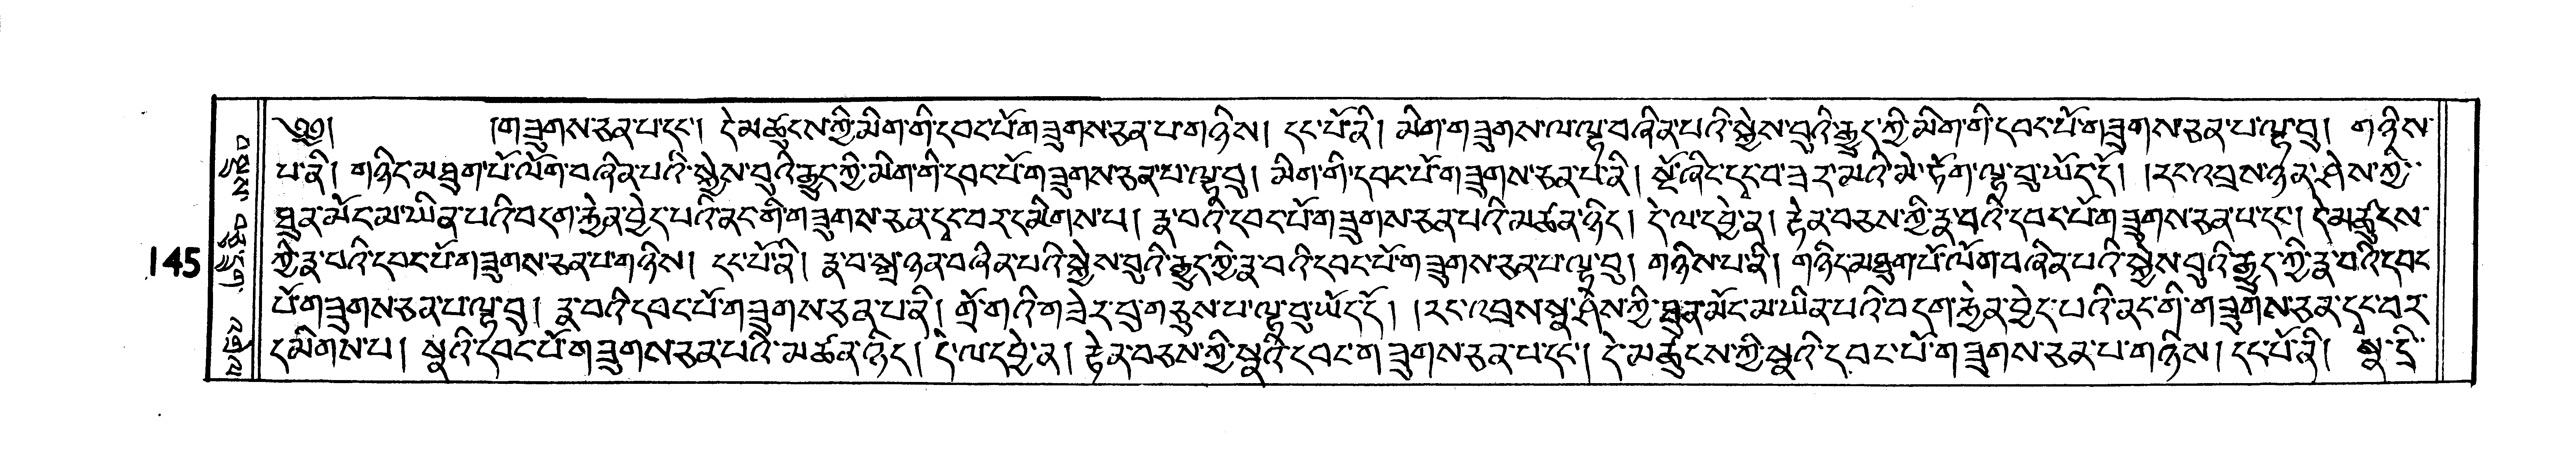༄༅། །གཟུགས་ཅན་པ་དང་། དེ་མཚུངས་ཀྱི་མིག་གི་དབང་པོ་གཟུགས་ཅན་པ་གཉིས། དང་པོ་ནི། མིག་གཟུགས་ལ་ལྟ་བཞིན་པའི་སྐྱེས་བུའི་རྒྱུད་ཀྱི་མིག་གི་དབང་པོ་གཟུགས་ཅན་པ་ལྟ་བུ། གཉིས་
པ་ནི། གཉིད་མཐུག་པོ་ལོག་བཞིན་པའི་སྐྱེས་བུའི་རྒྱུད་ཀྱི་མིག་གི་དབང་པོ་གཟུགས་ཅན་པ་ལྟ་བུ། མིག་གི་དབང་པོ་གཟུགས་ཅན་པ་ནི། སྔོ་ཞིང་དྭང་བ་ཟར་མའི་མེ་ཏོག་ལྟ་བུ་ཡོད་དོ། །རང་འབྲས་ཉན་ཤེས་ཀྱི་
ཐུན་མོང་མ་ཡིན་པའི་བདག་རྐྱེན་བྱེད་པའི་ནང་གི་གཟུགས་ཅན་དྭང་བར་དམིགས་པ། རྣ་བའི་དབང་པོ་གཟུགས་ཅན་པའི་མཚན་ཉིད། དེ་ལ་དབྱེ་ན། རྟེན་བཅས་ཀྱི་རྣ་བའི་དབང་པོ་གཟུགས་ཅན་པ་དང་། དེ་མཚུངས་
ཀྱི་རྣ་བའི་དབང་པོ་གཟུགས་ཅན་པ་གཉིས། དང་པོ་ནི། རྣ་བ་སྒྲ་ཉན་བཞིན་པའི་སྐྱེས་བུའི་རྒྱུད་ཀྱི་རྣ་བའི་དབང་པོ་གཟུགས་ཅན་པ་ལྟ་བུ། གཉིས་པ་ནི། གཉིད་མཐུག་པོ་ལོག་བཞིན་པའི་སྐྱེས་བུའི་རྒྱུད་ཀྱི་རྣ་བའི་དབང་
པོ་གཟུགས་ཅན་པ་ལྟ་བུ། རྣ་བའི་དབང་པོ་གཟུགས་ཅན་པ་ནི། གྲོ་གའི་གཟེར་བུ་གཅུས་པ་ལྟ་བུ་ཡོད་དོ། །རང་འབྲས་སྣ་ཤེས་ཀྱི་ཐུན་མོང་མ་ཡིན་པའི་བདག་རྐྱེན་བྱེད་པའི་ནང་གི་གཟུགས་ཅན་དྭང་བར་
དམིགས་པ། སྣའི་དབང་པོ་གཟུགས་ཅན་པའི་མཚན་ཉིད། དེ་ལ་དབྱེ་ན། རྟེན་བཅས་ཀྱི་སྣའི་དབང་གཟུགས་ཅན་པ་དང་། དེ་མཚུངས་ཀྱི་སྣའི་དབང་པོ་གཟུགས་ཅན་པ་གཉིས། དང་པོ་ནི། སྣ་དྲི་